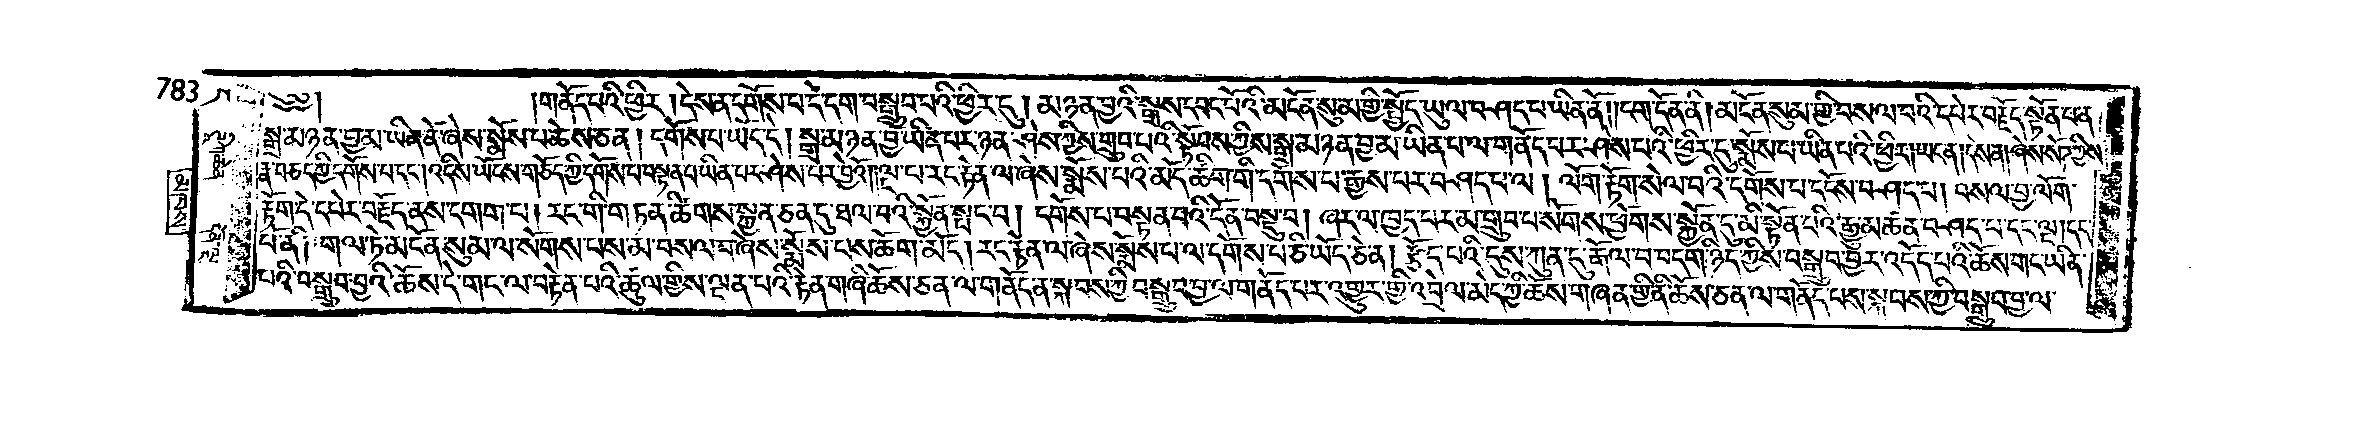༄༅། །གནོད་པའི་ཕྱིར། དེས་ན་དགོས་པ་དེ་དག་བསྒྲུབ་པའི་ཕྱིར་དུ། མཉན་བྱའི་སྒྲས་དབང་པོའི་མངོན་སུམ་གྱི་སྤྱོད་ཡུལ་བཤད་པ་ཡིན་ནོ། །ངག་དོན་ནི། མངོན་སུམ་གྱི་བསལ་བའི་དཔེར་བརྗོད་སྟོན་པ་ན།
སྒྲ་མཉན་བྱ་མ་ཡིན་ནོ་ཞེས་སྨོས་པ་ཆོས་ཅན། དགོས་པ་ཡོད་དེ། སྒྲ་མཉན་བྱ་ཡིན་པར་ཉན་ཤེས་ཀྱིས་གྲུབ་པའི་སྟོབས་ཀྱིས་སྒྲ་མཉན་བྱ་མ་ཡིན་པ་ལ་གནོད་པར་ཤེས་པའི་ཕྱིར་དུ་སྨོས་པ་ཡིན་པའི་ཕྱིར། ཡང་ན། དེས་ན། ཞེས་སོགས་ཀྱིས་
རྣ་བཅད་ཀྱི་དགོས་པ་དང་། འདིས་ཡོངས་གཅོད་ཀྱི་དགོས་པ་བསྟན་པ་ཡིན་པར་ཤེས་པར་བྱའོ། །ལྔ་བ་རང་རྟེན་ལ་ཞེས་སྨོས་པའི་མདོ་ཚིག་གི་དགོས་པ་རྒྱས་པར་བཤད་པ་ལ། ལོག་རྟོག་སེལ་བའི་དགོས་པ་དངོས་བཤད་པ། བསལ་བྱ་ལོག་
རྟོག་དེ་དཔེར་བརྗོད་ནས་དགག་པ། རང་གི་གཏན་ཚིགས་སྐྱོན་ཅན་དུ་ཐལ་བའི་སྐྱོན་སྤང་བ། དགོས་པ་བསྟན་པའི་དོན་བསྡུ་བ། ཞར་ལ་ཁྱད་པར་མ་གྲུབ་པ་སོགས་ཕྱོགས་སྐྱོན་དུ་མི་སྟོན་པའི་རྒྱུ་མཚན་བཤད་པ་དང་ལྔ། དང་
པོ་ནི། གལ་ཏེ་མངོན་སུམ་ལ་སོགས་པས་མ་བསལ་བ་ཞེས་སྨོས་པས་ཆོག་མོད། རང་རྟེན་ལ་ཞེས་སྨོས་པ་ལ་དགོས་པ་ཅི་ཡོད་ཅེ་ན། རྩོད་པའི་དུས་ཀུན་དུ་རྒོལ་བ་བདག་ཉིད་ཀྱིས་བསྒྲུབ་བྱར་འདོད་པའི་ཆོས་གང་ཡིན་
པའི་བསྒྲུབ་བྱའི་ཆོས་དེ་དག་གང་ལ་བརྟེན་པའི་ཚུལ་གྱིས་ལྡན་པའི་རྟེན་གཞི་ཆོས་ཅན་ལ་གནོད་ན་སྐབས་ཀྱི་བསྒྲུབ་བྱ་ལ་གནོད་པར་འགྱུར་གྱི་འབྲེལ་མེད་ཀྱི་ཆོས་གཞན་གྱི་ནི་ཆོས་ཅན་ལ་གནོད་པས་སྐབས་ཀྱི་བསྒྲུབ་བྱ་ལ་